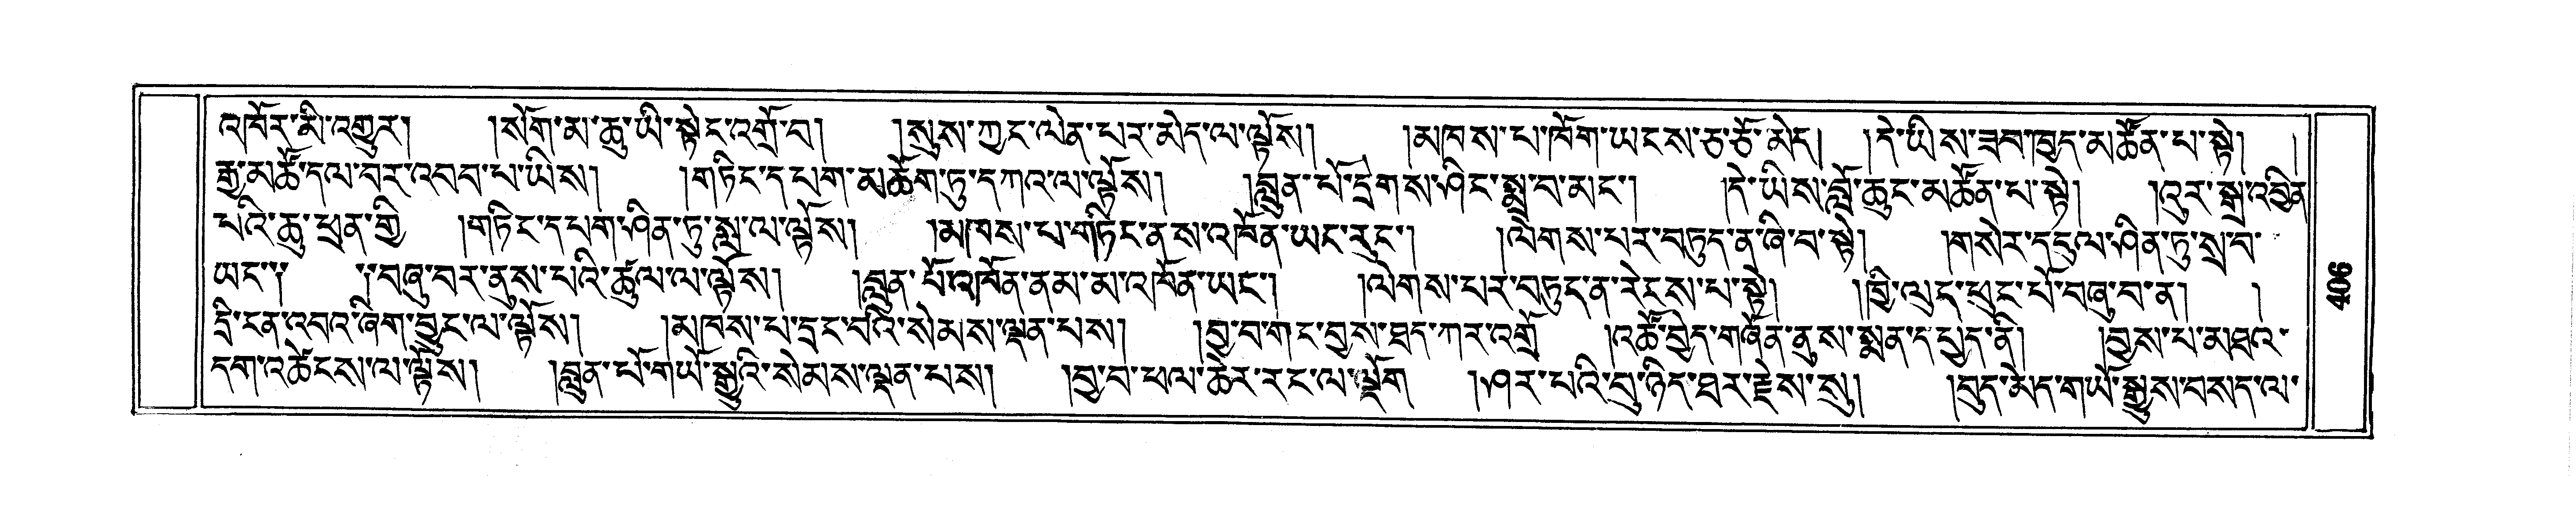འཁོར་མི་འགྱུར། །སོག་མ་ཆུ་ཡི་སྟེང་འགྲོ་བ། །སུས་ཀྱང་ལེན་པར་མེད་ལ་ལྟོས། །མཁས་པ་ཁོག་ཡངས་ཅ་ཅོ་མེད། །དེ་ཡིས་ཟབ་ཁྱད་མཚོན་པ་སྟེ། །
རྒྱ་མཚོ་དལ་བར་འབབ་པ་ཡིས། །གཏིང་དཔག་མཆོག་ཏུ་དཀའ་ལ་ལྟོས། །བླུན་པོ་དྲེགས་ཤིང་སྨྲ་བ་མང་། །དེ་ཡིས་བློ་ཆུང་མཚོན་པ་སྟེ། །འུར་སྒྲ་འབྱིན་
པའི་ཆུ་ཕྲན་གྱི་།གཏིང་དཔག་ཤིན་ཏུ་སླ་ལ་ལྟོས། །མཁས་པ་གཏིང་ནས་འཁོན་ཡང་རུང་། །ལེགས་པར་བཏུད་ན་ཞི་བ་སྟེ། །གསེར་དངུལ་ཤིན་ཏུ་སྲ་བ་
ཡང༑ ༑བཞུ་བར་ནུས་པའི་ཚུལ་ལ་ལྟོས། །བླུན་པོ་འཁོན་ནམ་མ་འཁོན་ཡང་། །ལེགས་པར་བཏུད་ན་རེངས་པ་སྟེ། །ཁྱི་ལུང་ཕུང་པོ་བཞུ་བ་ན། །
དྲི་ངན་འབའ་ཞིག་བྱུང་ལ་ལྟོས། །མཁས་པ་དྲང་བའི་སེམས་ལྡན་པས། །བྱ་བ་གང་བྱས་ཐད་ཀར་འགྲོ་།འཚོ་བྱེད་གཞོན་ནུས་སྨན་དཔྱད་ནི། །བྱས་པ་མཐའ་
དག་འཚེངས་ལ་ལྟོས། །བླུན་པོ་གཡོ་སྒྱུའི་སེམས་ལྡན་པས། །བྱ་བ་ཕལ་ཆེར་རང་ལ་ལྡོག །ཤར་པའི་བུ་ཉིད་ཐར་རྗེས་སུ། །བུད་མེད་གཡོ་སྒྱུས་བསད་ལ་